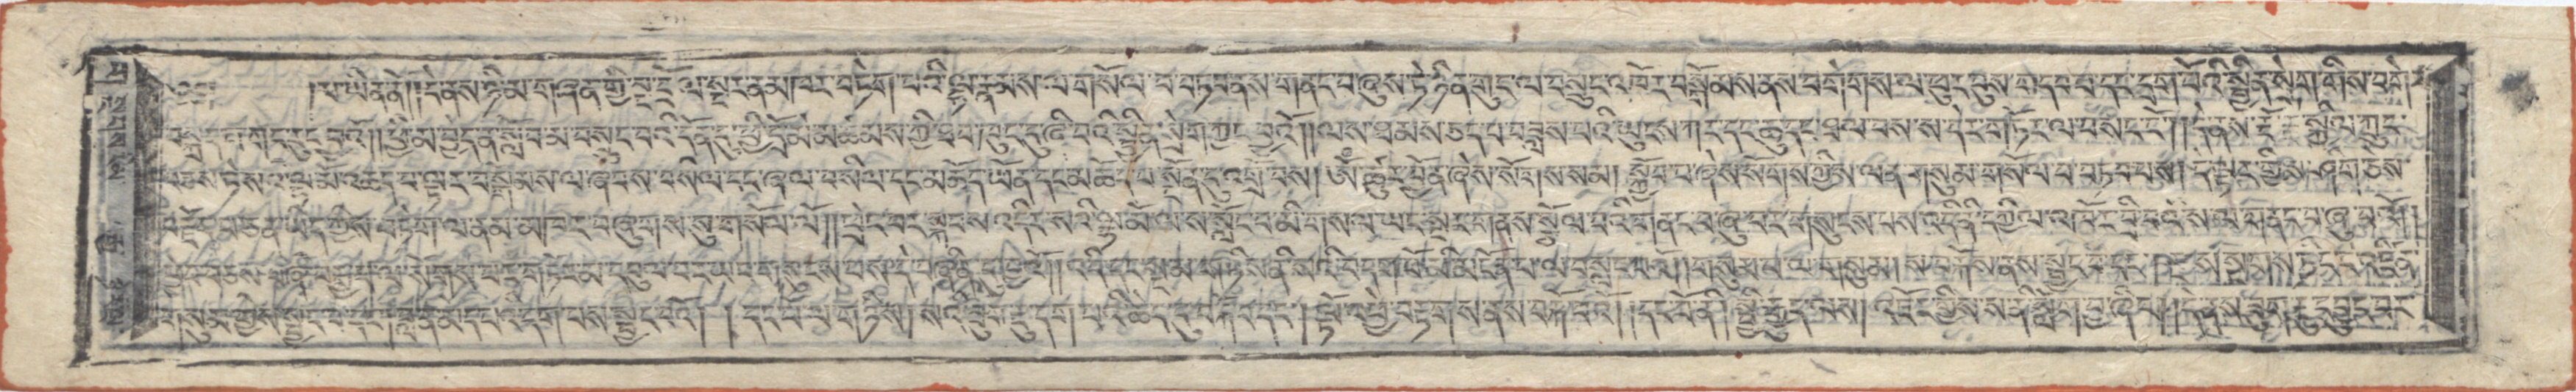༄༅། །མ་ཡིན་ནོ། །དེ་ནས་ཉི་མ་གཞན་གྱི་སྔ་དྲོལ་སྔར་ནམ་མཁར་བཏེག་པའི་ལྷ་རྣམས་ལ་གསོལ་བ་བཏབ་ནས་གནང་བ་ཞུས་ཏེ་ཉིན་གུང་ལ་བསྲུང་འཁོར་བསྒོམས་ནས་བགེགས་ལ་ཕུར་བུས་གདབ་པ་དང་དྲག་པོའི་སྦྱིན་སྲེག་གིས་བགེགས་
བསྐྲད་པ་གང་རུང་བྱའོ། །ཕྱི་མ་བྱེད་ན་སློབ་མ་བསྲུང་བའི་དོན་དུ་ཕྱི་དྲོ་མེ་མཚམས་ཀྱི་ཐབ་ཁུང་དུ་ཞི་བའི་སྦྱིན་སྲེག་ཀྱང་བྱའོ། །ལས་ཐམས་ཅད་པ་བཟླས་པའི་ཡུངས་ཀར་དང་ཆུ་དང་ཐལ་བས་ས་དེར་གཏོར་ལ་བསང་ངོ། །དེ་ནས་རྡོ་རྗེ་སྐྱིལ་ཀྲུང་
བཅས་ཏེ་སའི་ལྷ་མོ་འཆད་པ་ལྟར་བསྒོམས་ལ་ཞབས་བསིལ་དང་ཞལ་བསིལ་དང་མཆོད་ཡོན་དང་མཆོད་པ་སྔོན་དུ་འགྲོ་བས། ཨོཾ་ཚུར་བྱོན་ཞེས་སོགས་སམ། སྐྱོབ་པ་ཞེས་སོགས་ཀྱིས་ལན་གསུམ་གསོལ་བ་བཏབ་པས། དེ་ལྟར་གྱིས་ཤིག་ཅེས་
བརྗོད་པ་ཅན་ཡིད་ཀྱིས་བཏེག་ལ་ནམ་མཁར་བཞུགས་སུ་གསོལ་ལོ། །ཕྲེང་བར་སྐབས་འདིར་སའི་ལྷ་མོ་ལས་སློང་བ་མི་གསལ་ཡང་སྔར་གནས་སྩོལ་བའི་གནང་བ་ཞུ་བར་གསུངས་པས་འདི་ནི་དཀྱིལ་འཁོར་བྲི་བའི་ས་ལ་གནང་བ་ཞུ་བའོ། །
ཕྱེད་བཅས་བཞི་བརྒྱ་པ་ལ་སོགས་པར་གཏོར་མ་དབུལ་བར་ཡང་གསུངས་པས་དེ་བཞིན་དུ་བྱའོ། །འདི་དང་སྔ་མ་གཉིས་ནི་སའི་བདག་པོ་མི་མངོན་པ་ལ་བསླང་བའོ། །གསུམ་པ་ལ་གསུམ། ས་བརྐོས་ནས་སྦྱང་བ་དང་། རྫས་སྔགས་ཏིང་ངེ་འཛིན་
གསུམ་གྱིས་སྦྱང་བ་དང་། བླ་ན་མེད་པའི་དག་པས་སྦྱང་བའོ། །དང་པོ་ལ་གཉིས། སའི་ཟུག་རྡུ་དག་པའི་ཆེད་དུ་བརྐོ་བ་དང་། ལྟོ་འཕྱེ་བརྟགས་ནས་བརྐོ་བའོ། །དང་པོ་ནི། སྤྱི་རྒྱུད་ལས། འཇོར་གྱིས་ས་ནི་སློག་བྱ་ཞིང་། །དེ་ནས་ཟུག་རྡུ་དབྱུང་བར་